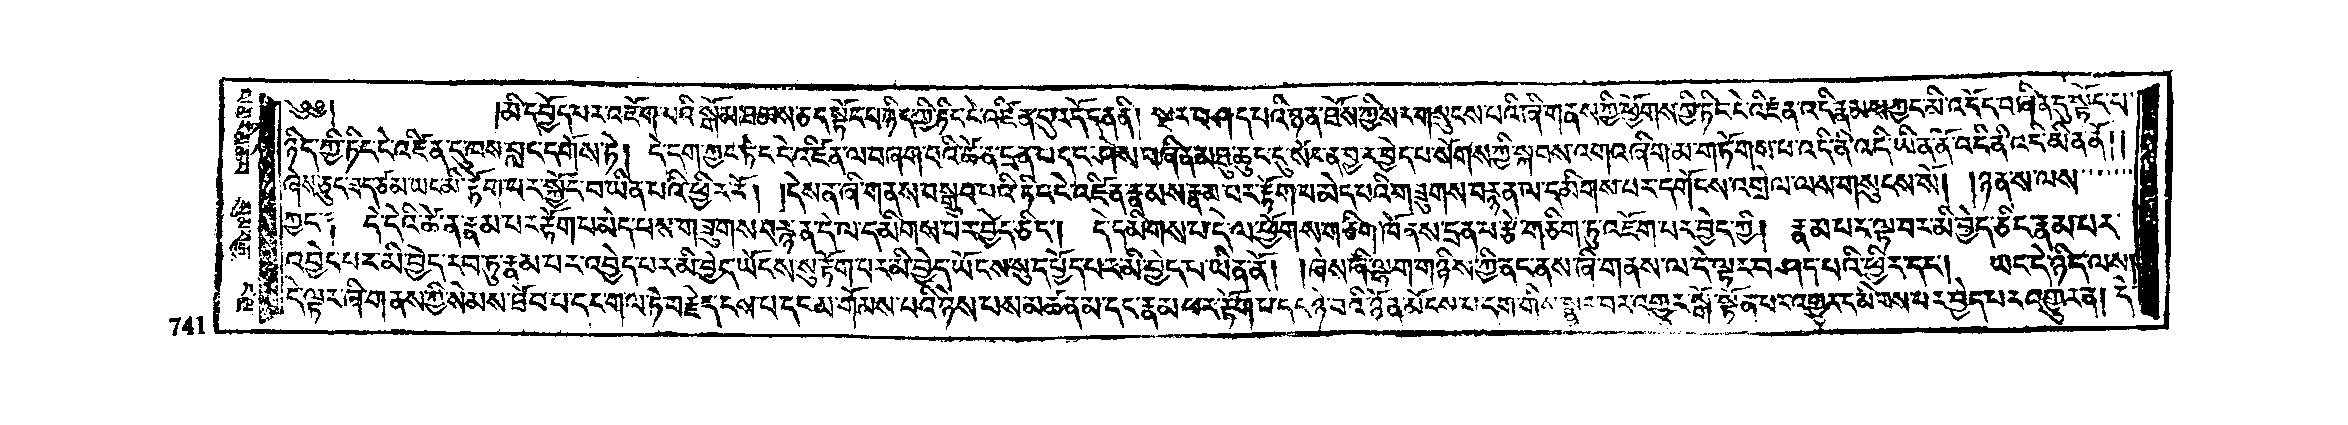༄༅། །མི་དཔྱོད་པར་འཇོག་པའི་སྒོམ་ཐམས་ཅད་སྟོང་པ་ཉིད་ཀྱི་ཏིང་ངེ་འཛིན་དུ་འདོད་ན་ནི། སྔར་བཤད་པའི་ཉན་ཐོས་ཀྱི་སར་གསུངས་པའི་ཞི་གནས་ཀྱི་ཕྱོགས་ཀྱི་ཏིང་ངེ་འཛིན་འདི་རྣམས་ཀྱང་མི་འདོད་བཞིན་དུ་སྟོང་པ་
ཉིད་ཀྱི་ཏིང་ངེ་འཛིན་དུ་ཁས་བླང་དགོས་ཏེ། དེ་དག་ཀྱང་ཏིང་ངེ་འཛིན་ལ་བཞག་པའི་ཚེ་ན་དྲན་པ་དང་ཤེས་བཞིན་མཐུ་ཆུང་དུ་སོང་ན་བྱ་ར་བྱེད་པ་སོགས་ཀྱི་སྐབས་འགའ་ཞིག་མ་གཏོགས་པ་འདི་ནི་འདི་ཡིན་ནོ་འདི་ནི་འདི་མིན་ནོ། །
ཞེས་ཅུང་ཟད་ཙམ་ཡང་མི་རྟོག་པར་སྐྱོང་བ་ཡིན་པའི་ཕྱིར་རོ། །དེས་ན་ཞི་གནས་བསྒྲུབ་པའི་ཏིང་ངེ་འཛིན་རྣམས་རྣམ་པར་རྟོག་པ་མེད་པའི་གཟུགས་བརྙན་ལ་དམིགས་པར་དགོངས་འགྲེལ་ལས་གསུངས་སོ། །ཉན་ས་ལས་
ཀྱང༑ དེ་དེའི་ཚེ་ན་རྣམ་པར་རྟོག་པ་མེད་པས་གཟུགས་བརྙན་དེ་ལ་དམིགས་པར་བྱེད་ཅིང་། དེ་དམིགས་པ་དེ་ལ་ཕྱོགས་གཅིག་ཁོ་ནས་དྲན་པ་རྩེ་གཅིག་ཏུ་འཇོག་པར་བྱེད་ཀྱི། རྣམ་པར་ལྟ་བར་མི་བྱེད་ཅིང་རྣམ་པར་
འབྱེད་པར་མི་བྱེད་རབ་ཏུ་རྣམ་པར་འབྱེད་པར་མི་བྱེད་ཡོངས་སུ་རྟོག་པར་མི་བྱེད་ཡོངས་སུ་དཔྱོད་པར་མི་བྱེད་པ་ཡིན་ནོ། །ཞེས་ཞི་ལྷག་གཉིས་ཀྱི་ནང་ནས་ཞི་གནས་ལ་དེ་ལྟར་བཤད་པའི་ཕྱིར་དང་། ཡང་དེ་ཉིད་ལས་
དེ་ལྟར་ཞི་གནས་ཀྱི་སེམས་ཐོབ་པ་དང་གལ་ཏེ་བརྗེད་ངས་པ་དང་མ་གོམས་པའི་ཉེས་པས་མཚན་མ་དང་རྣམ་པར་རྟོག་པ་དང་ཉེ་བའི་ཉོན་མོངས་པ་དག་གིས་སྣང་བར་འགྱུར་སྒོ་སྟོན་པར་འགྱུར་དམིགས་པར་བྱེད་པར་འགྱུར་ན། དེ་